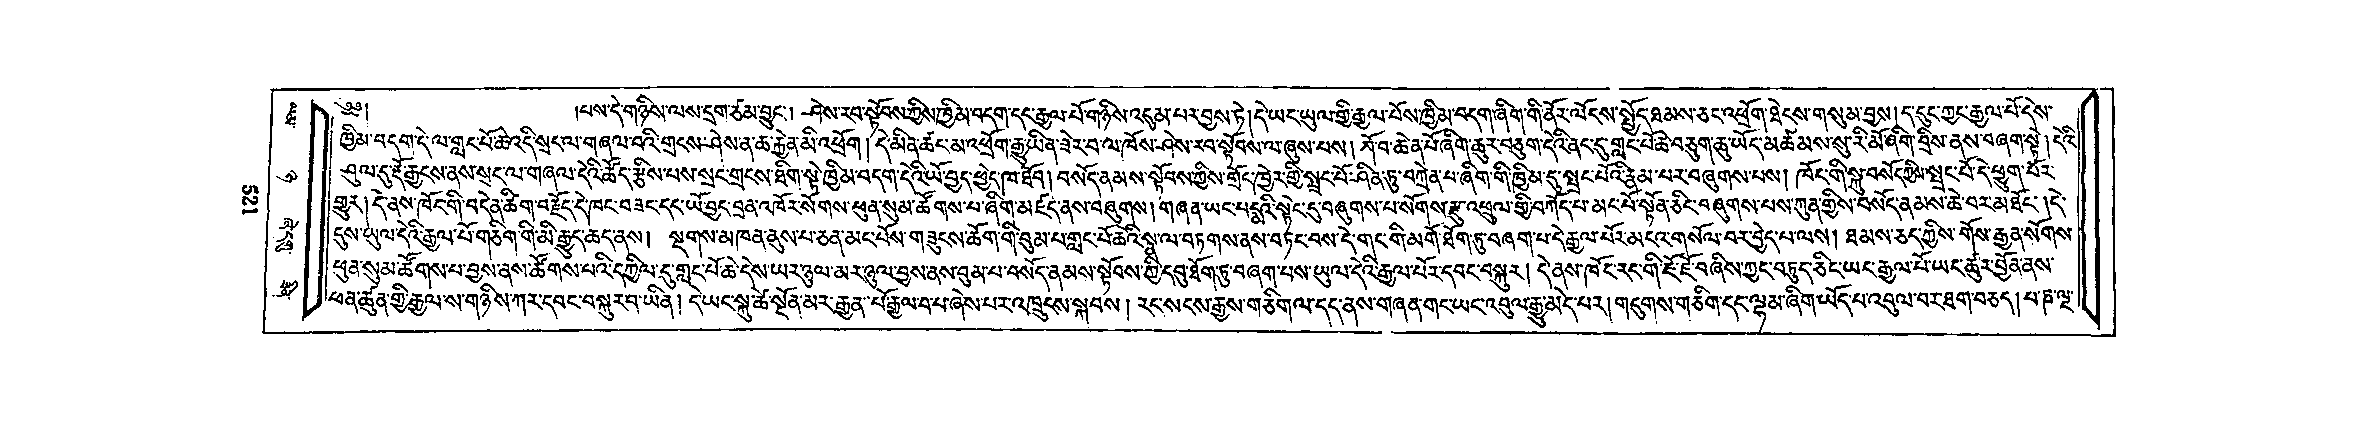༄༅། །པས་དེ་གཉིས་ལས་དྲག་ཙམ་བྱུང་། ཤེས་རབ་སྟོབས་ཀྱིས་ཁྱིམ་བདག་དང་རྒྱལ་པོ་གཉིས་འདུམ་པར་བྱས་ཏེ། དེ་ཡང་ཡུལ་གྱི་རྒྱལ་པོས་ཁྱིམ་བདག་ཞིག་གི་ནོར་ལོངས་སྤྱོད་ཐམས་ཅད་འཕྲོག་ཐེངས་གསུམ་བྱས། ད་དུང་ཀྱང་རྒྱལ་པོ་དེས་
ཁྱིམ་བདག་དེ་ལ་གླང་པོ་ཆེ་འདི་སྲང་ལ་གཞལ་བའི་གྲངས་ཤེས་ན་ཆ་རྐྱེན་མི་འཕྲོག །དེ་མིན་ཚང་མ་འཕྲོག་རྒྱུ་ཡིན་ཟེར་བ་ལ་ཁོས་ཤེས་རབ་སྟོབས་ལ་ཞུས་པས། ཀོ་བ་ཆེན་པོ་ཞིག་ཆུར་བཅུག་དེའི་ནང་དུ་གླང་པོ་ཆེ་བཅུག་ཆུ་ཡོད་མཚམས་སུ་རི་མོ་ཞིག་བྲིས་ནས་བཞག་སྟེ། དེའི་
ཤུལ་དུ་རྡོ་རྒྱངས་ནས་སྲང་ལ་གཞལ་དེའི་ཚོད་རྩིས་པས་སྲང་གྲངས་ཐིག་སྟེ་ཁྱིམ་བདག་དེའི་ཡོ་བྱད་ཕྱེད་ཁ་ཐོབ། བསོད་ནམས་སྟོབས་ཀྱིས་གྲོང་ཁྱེར་གྱི་སྤྲང་པོ་ཤིན་ཏུ་བཀྲེན་པ་ཞིག་གི་ཁྱིམ་དུ་སྤྲང་པོའི་རྣམ་པར་བཞུགས་པས། ཁོང་གི་སྐུ་བསོད་ཀྱིས་སྤྲང་པོ་དེ་ཕྱུག་པོར་
གྱུར། དེ་ནས་ཁོང་གི་བདེན་ཚིག་བརྗོད་དེ་ཁང་བཟང་དང་ཡོ་བྱད་བྲན་འཁོར་སོགས་ཕུན་སུམ་ཚོགས་པ་ཞིག་མཛད་ནས་བཞུགས། གཞན་ཡང་པདམའི་སྟེང་དུ་བཞུགས་པ་སོགས་རྫུ་འཕྲུལ་གྱི་བཀོད་པ་མང་པོ་སྟོན་ཅིང་བཞུགས་པས་ཀུན་གྱིས་བསོད་ནམས་ཆེ་བར་མཐོང་། དེ་
དུས་ཡུལ་དེའི་རྒྱལ་པོ་གཅིག་གི་མི་རྒྱུད་ཆད་ནས། སྔགས་མཁན་ནུས་པ་ཅན་མང་པོས་གཟུངས་ཆོག་གི་བུམ་པ་གླང་པོ་ཆེའི་སྣ་ལ་བཏགས་ནས་བཏང་བས་དེ་གང་གི་མགོ་ཐོག་ཏུ་བཞག་པ་དེ་རྒྱལ་པོར་མངའ་གསོལ་བར་བྱེད་པ་ལས། ཐམས་ཅད་ཀྱིས་གོས་རྒྱན་སོགས་
ཕུན་སུམ་ཚོགས་པ་བྱས་ནས་ཚོགས་པའི་དཀྱིལ་དུ་གླང་པོ་ཆེ་དེས་ཡར་ཉུལ་མར་ཉུལ་བྱས་ནས་བུམ་པ་བསོད་ནམས་སྟོབས་ཀྱི་དབུ་ཐོག་ཏུ་བཞག་པས་ཡུལ་དེའི་རྒྱལ་པོར་དབང་བསྐུར། དེ་ནས་ཁོང་རང་གི་ཇོ་ཇོ་བཞིས་ཀྱང་བཏུད་ཅིང་ཡང་རྒྱལ་པོ་ཡང་ཚུར་བྱོན་ནས་
ཕན་ཚུན་གྱི་རྒྱལ་ས་གཉིས་ཀར་དབང་བསྐུར་བ་ཡིན། དེ་ཡང་སྐུ་ཚེ་སྔོན་མར་རྒྱན་པོ་རྒྱལ་བ་པ་ཞེས་པར་འཁྲུངས་སྐབས། རང་སངས་རྒྱས་གཅིག་ལ་དད་ནས་གཞན་གང་ཡང་འབུལ་རྒྱུ་མེད་པར། གདུགས་གཅིག་དང་ལྷམ་ཞིག་ཡོད་པ་འབུལ་བར་ཐག་བཅད། པ་ཎ་ལྔ་